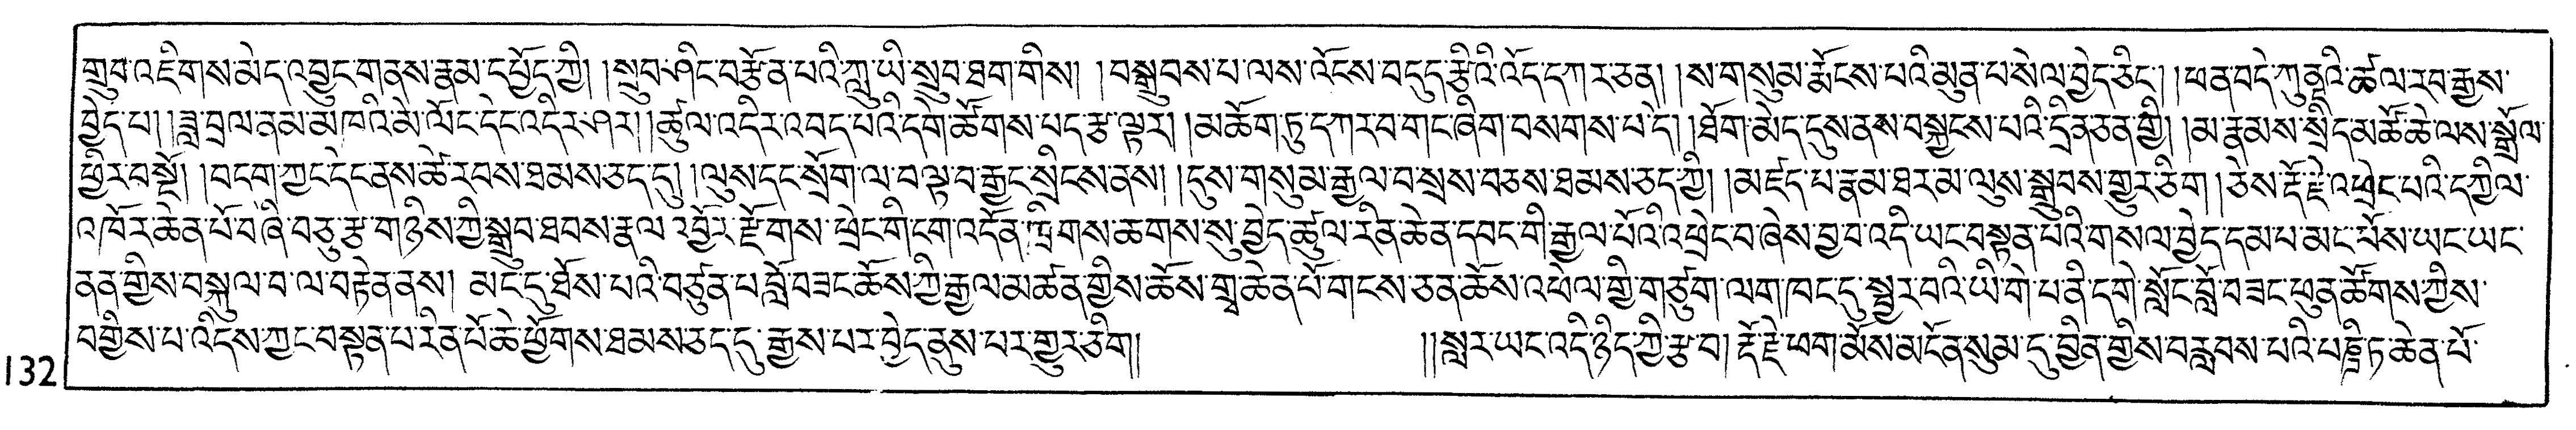གྲུབ་འཇིགས་མེད་འབྱུང་གནས་རྣམ་དཔྱོད་ཀྱི། །སྲུབ་ཤིང་བརྩོན་པའི་ཀླུ་ཡི་སྲུབ་ཐག་གིས། །བསྒྲུབས་པ་ལས་འོངས་བདུད་རྩིའི་འོད་དཀར་ཅན། །ས་གསུམ་རྨོངས་པའི་མུན་པ་སེལ་བྱེད་ཅིང་། །ཕན་བདེ་ཀུནྡའི་ཚལ་རབ་རྒྱས་
བྱེད་པ། །ཟླ་བྲལ་ནམ་མཁའི་མེ་ལོང་དེང་འདིར་ཤར། །ཚུལ་འདིར་འབད་པའི་དགེ་ཚོགས་པད་རྩ་ལྟར། །མཆོག་ཏུ་དཀར་བ་གང་ཞིག་བསགས་པ་དེ། །ཐོག་མེད་དུས་ནས་བསྐྱངས་པའི་དྲིན་ཅན་གྱི། །མ་རྣམས་སྲིད་མཚོ་ཆེ་ལས་སྒྲོལ་
ཕྱིར་བསྔོ། །བདག་ཀྱང་དེང་ནས་ཚེ་རབས་ཐམས་ཅད་དུ། །ལུས་དང་སྲོག་ལ་བལྟ་བ་རྒྱང་སྲིངས་ནས། །དུས་གསུམ་རྒྱལ་བ་སྲས་བཅས་ཐམས་ཅད་ཀྱི། །མཛད་པ་རྣམ་ཐར་མ་ལུས་སྒྲུབས་གྱུར་ཅིག །ཅེས་རྡོ་རྗེ་འཕྲེང་པའི་དཀྱིལ་
འཁོར་ཆེན་པོ་བཞི་བཅུ་རྩ་གཉིས་ཀྱི་སྒྲུབ་ཐབས་རྣལ་འབྱོར་རྫོགས་ཕྲེང་གི་ངག་འདོན་ཁྲིགས་ཆགས་སུ་བྱེད་ཚུལ་རིན་ཆེན་དབང་གི་རྒྱལ་པོའི་འཕྲེང་བ་ཞེས་བྱ་བ་འདི་ཡང་བསྟན་པའི་གསལ་བྱེད་དམ་པ་མང་པོས་ཡང་ཡང་
ནན་གྱིས་བསྐུལ་བ་ལ་བརྟེན་ནས། མང་དུ་ཐོས་པའི་བཙུན་པ་བློ་བཟང་ཆོས་ཀྱི་རྒྱལ་མཚན་གྱིས་ཆོས་གྲྭ་ཆེན་པོ་གངས་ཅན་ཆོས་འཕེལ་གྱི་གཙུག་ལག་ཁང་དུ་སྦྱར་བའི་ཡི་གེ་པ་ནི་དགེ་སློང་བློ་བཟང་ཕུན་ཚོགས་ཀྱིས་
བགྱིས་པ་འདིས་ཀྱང་བསྟན་པ་རིན་པོ་ཆེ་ཕྱོགས་ཐམས་ཅད་དུ་རྒྱས་པར་བྱེད་ནུས་པར་གྱུར་ཅིག ། །།སླར་ཡང་འདི་ཉིད་ཀྱི་རྩ་བ། རྡོ་རྗེ་ཕག་མོས་མངོན་སུམ་དུ་བྱིན་གྱིས་བརླབས་པའི་པཎྜི་ཏ་ཆེན་པོ་